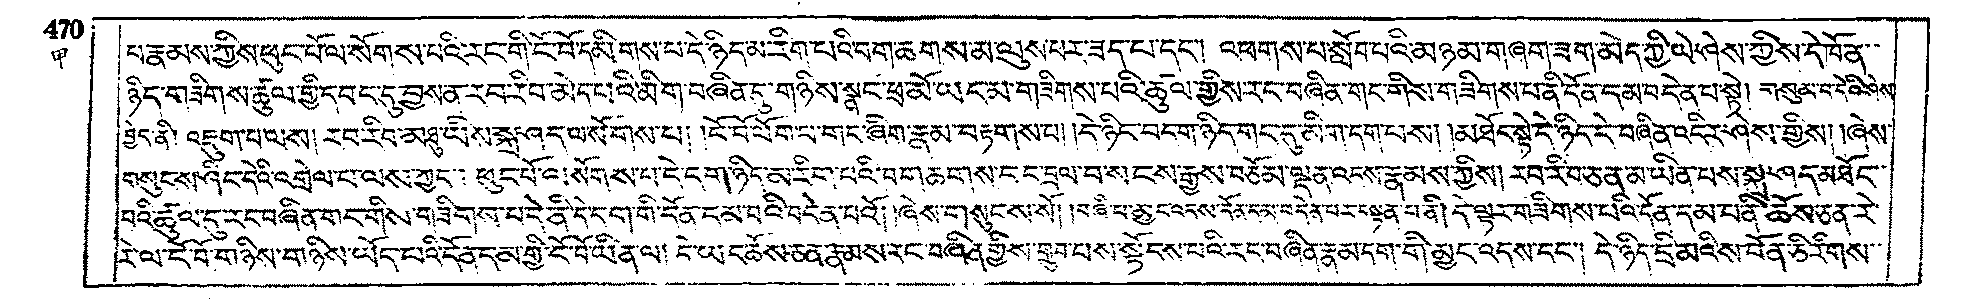པ་རྣམས་ཀྱིས་ཕུང་པོ་ལ་སོགས་པའི་རང་གི་ངོ་བོ་དམིགས་པ་དེ་ཉིད་མ་རིག་པའི་བག་ཆགས་མ་ལུས་པར་ཟད་པ་དང་། འཕགས་པ་སློབ་པའི་མཉམ་གཞག་ཟག་མེད་ཀྱི་ཡེ་ཤེས་ཀྱིས་དེ་ཁོ་ན་
ཉིད་གཟིགས་ཚུལ་གྱི་དབང་དུ་བྱས་ན་རབ་རིབ་མེད་པའི་མིག་བཞིན་དུ་གཉིས་སྣང་ཕྲ་མོ་ཡང་མ་གཟིགས་པའི་ཚུལ་གྱིས་རང་བཞིན་གང་གིས་གཟིགས་པ་ནི་དོན་དམ་བདེན་པ་སྟེ། གསུམ་པ་དེའི་ཤེས་
བྱེད་ནི། འཇུག་པ་ལས། རབ་རིབ་མཐུ་ཡིས་སྐྲ་ཤད་ལ་སོགས་པ། །ངོ་བོ་ལོག་པ་གང་ཞིག་རྣམ་བརྟགས་པ། །དེ་ཉིད་བདག་ཉིད་གང་དུ་མིག་དག་པས། །མཐོང་སྟེ་དེ་ཉིད་དེ་བཞིན་འདིར་ཤེས་གྱིས། །ཞེས་
གསུངས་ཤིང་དེའི་འགྲེལ་པ་ལས་ཀྱང་། ཕུང་པོ་ལ་སོགས་པ་དེ་དག་ཉིད་མ་རིག་པའི་བག་ཆགས་དང་བྲལ་བ་སངས་རྒྱས་བཅོམ་ལྡན་འདས་རྣམས་ཀྱིས། རབ་རིབ་ཅན་མ་ཡིན་པས་སྐྲ་ཤད་མཐོང་
བའི་ཚུལ་དུ་རང་བཞིན་གང་གིས་གཟིགས་པ་དེ་ནི་དེ་དག་གི་དོན་དམ་པའི་བདེན་པའོ། །ཞེས་གསུངས་སོ། །བཞི་པ་མྱང་འདས་དོན་དམ་བདེན་པར་བསྟན་པ་ནི།  དེ་ལྟར་གཟིགས་པའི་དོན་དམ་པ་ནི་ཆོས་ཅན་རེ་
རེ་ལ་ངོ་བོ་གཉིས་གཉིས་ཡོད་པའི་དོན་དམ་གྱི་ངོ་བོ་ཡིན་ལ། དེ་ཡང་ཆོས་ཅན་རྣམས་རང་བཞིན་གྱིས་གྲུབ་པས་སྟོངས་པའི་རང་བཞིན་རྣམ་དག་གི་མྱང་འདས་དང་། དེ་ཉིད་དྲི་མའི་ས་བོན་ཅི་རིགས་